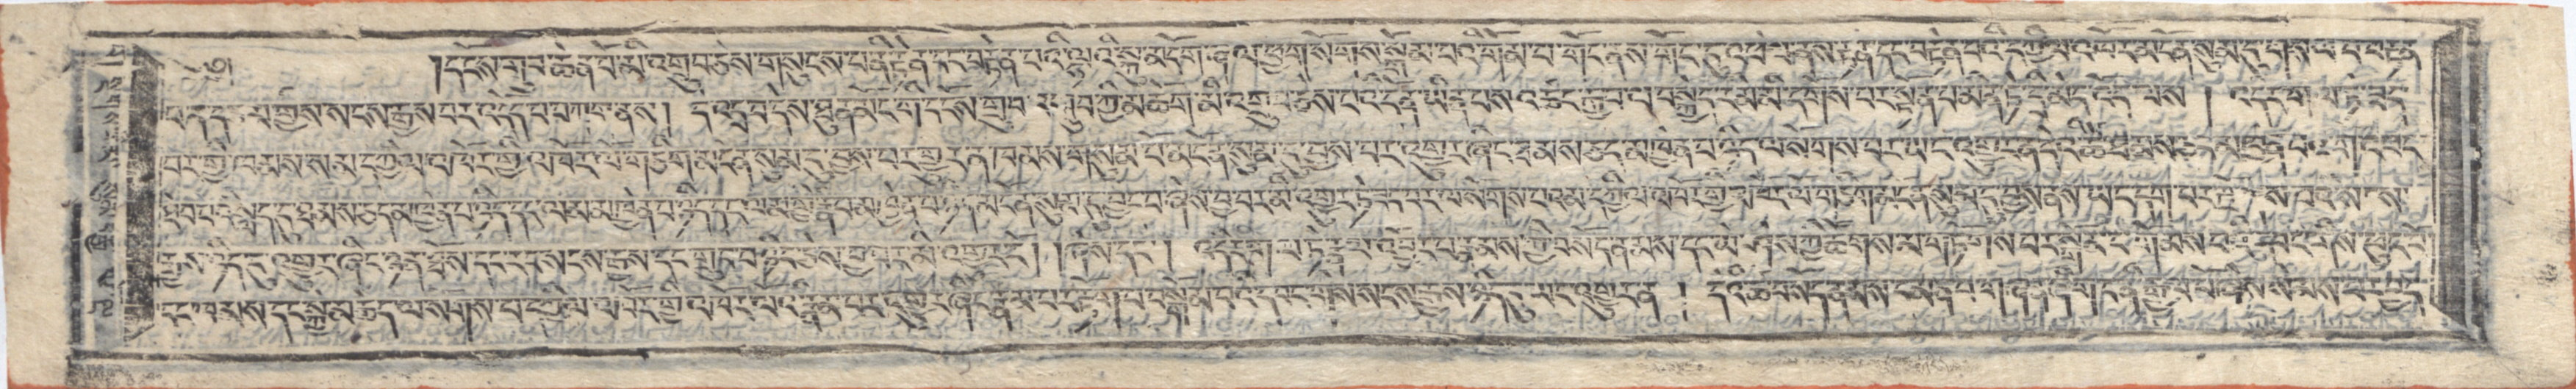༄༅། །དངོས་གྲུབ་ཆེན་པོ་མི་འགྲུབ་ཅེས་གསུངས་པ་ནི་རྟེན་དང་བརྟེན་པའི་ལྷའི་སྐུ་མདོག་ཞལ་ཕྱག་སོགས་སྒོམ་པའི་གོམ་པ་གོང་ནས་གོང་དུ་འཕེལ་ནས་རྟན་དང་བརྟེན་པའི་དཀྱིལ་འཁོར་མངོན་སུམ་དུ་གསལ་བ་བརྟན་
པར་དེ་ཙམ་གྱིས་སངས་རྒྱས་བར་འདོད་པ་བཀག་ནས། དེ་འདྲ་བ་དེས་ཐུན་མོང་གི་དངོས་གྲུབ་འགྲུབ་ཀྱི་མཆོག་མི་འགྲུབ་ཅེས་པའི་དོན་ཡིན་པས་འཚང་རྒྱབ་ལ་བསྐྱེད་རིམ་མི་དགོས་པར་སྟོན་པ་མིན་ཏེ་དྲི་མེད་འོད་ལས། འདིར་གལ་ཏེ་ཟད་
བར་གྱི་ཁམས་སམ་དཀྱིལ་འཁོར་གྱི་འཁོར་ལོ་གཅིག་མངོན་སུམ་དུ་བྱས་པར་གྱུར་ན་ཁམས་གསུམ་པོ་མངོན་སུམ་དུ་བྱས་པར་འགྱུར་ཞིང་ཐམས་ཅད་མཁྱེན་པ་ཉིད་ལ་སོགས་པར་ཡང་འགྱུར་ན་དེའི་ཚེ་ཐམས་ཅད་མཁྱེན་པའི་གོ་འཕང་
ཐོབ་པའི་སླད་དུ་ཐམས་ཅད་མཁྱེན་པ་ཉིད་དང་ལམ་མཁྱེན་པ་ཉིད་དང་ལམ་གྱི་རྣཾ་པ་མཁྱེན་པ་ཉིད་མངོན་སུམ་དུ་བྱད་བ་ཞེས་བྱ་བར་མི་འགྱུར་ཏེ་ཟང་བར་ལ་སོགས་པའམ་དཀྱིལ་འཁོར་གྱི་འཁོར་ལོ་གཅིག་མངོན་སུམ་དུ་བྱས་ནས་ཡང་དག་པར་རྫོགས་པའི་སངས་
རྒྱས་ཉིད་དུ་འགྱུར་ཞིང་ཉན་ཐོས་དང་རང་སངས་རྒྱས་དང་གྲུབ་པ་ཉིད་ཅེས་བྱ་བར་མི་འགྱུར་རོ། །ཞེས་དང་། འདིར་གལ་ཏེ་རྣལ་འབྱོར་པ་རྣམས་ཀྱི་བསོད་ནམས་དང་ཡེ་ཤེས་ཀྱི་ཚོགས་མ་གཏོགས་བར་སྒོམ་པ་གོམས་པའི་དབང་གིས་ཕུང་པོ་
དང་ཁམས་དང་སྐྱེ་མཆེད་ལ་སོགས་པ་དཀྱིལ་འཁོར་གྱི་འཁོར་ལོའི་རྣམ་པར་འགྱུར་ཞིང་རྣམ་པར་རྟོག་པ་བསྒོམ་པའི་དབང་གིས་སངས་རྒྱས་ཉིད་དུ་ཡང་འགྱུར་ན། དེའི་ཚེ་བསོད་ནམས་དམན་པ་གཞན་ཞིག་ང་ནི་རྒྱལ་པོ་ཞེས་སེམས་པར་བྱད་